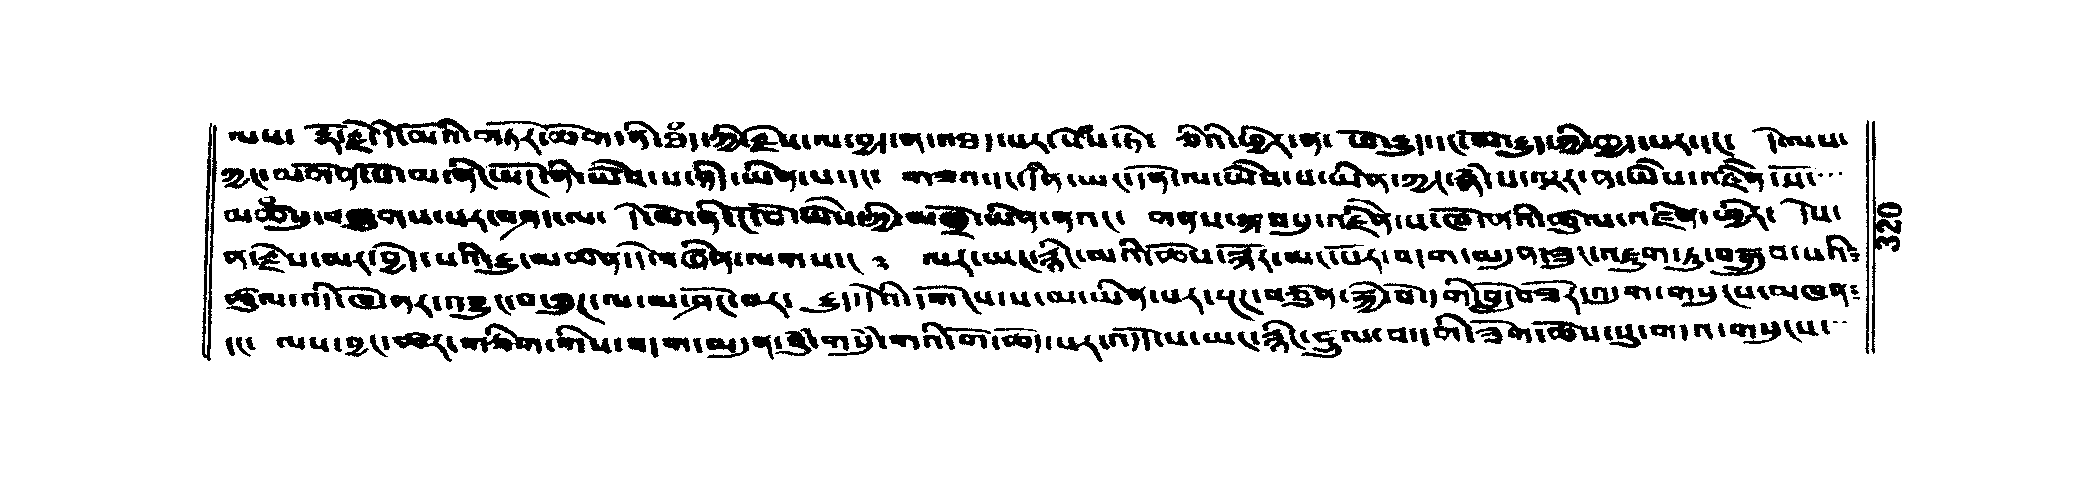ལས། རྡོ་རྗེ་དེ་མོའི་གཏོར་ཆོག་ནི་ཐམས་ཅད་ཀྱི་རྗེས་ལ་བྱེད་ན་འཐད་པར་སེམས་ཏེ། ཅིའི་ཕྱིར་ན། ཕོ་རྒྱུད་དག་མོ་རྒྱུད་ཀྱི་ཁྱད་པར་དང་། དེ་ལས་
ཀྱང་མགོན་པོ་མ་ནིང་སོགས་ནི་ཡེ་ཤེས་པ་ཉིད་ཡིན་པ་དང་། གཟའ་དང་དམ་ཅན་ཡང་དོན་ལ་དོན་ལ་རྣམ་པ་ལྟར་ན་ཡེ་ཤེས་འཇིག་རྟེན་སོ་
མཚམས་སུ་བཞུགས་པར་བཤད་ལ། དེ་མོ་ནི་ངོ་བོ་ཡེ་ཤེས་ཀྱི་མཁའ་འགྲོ་ཡིན་ནའང་། གནས་སྐབས་སུ་འཇིག་རྟེན་པ་ཁོ་ནའི་ཚུལ་འཛིན་ཕྱིར། དེས་
ན་རྗེས་མར་བྱེད་པའི་རྒྱུ་མཚན་དེ་བཞིན་ལགས། ལར་ཡང་རྙིང་མའི་ཆོས་སྐོར་མང་པོར་བདག་མདུན་ཟུང་འཇུག་ཏུ་བསྒྲུབ་པའི་
ཚུལ་འདི་ཁོ་ནར་འབྱུང་བ་ཐུགས་ལ་མ་ཤོང་བར། རྒྱུད་དེའི་དགོངས་པ་མ་ཡིན་པར་སྔགས་བཙུན་སྐྱེ་བོ་དག་གི་བློ་བཟོར་འདུག་གསུངས་མཁན་
དང་། ལས་བྱང་ཚར་གཅིག་གི་བདག་མདུན་བུམ་གསུམ་གའི་གོ་ཆོད་པར་འདོད་པ་ཡང་རྙིང་ཧྲུལ་བ་དག་གི་ཟོག་ཆོས་སུ་གདའ་གསུངས།